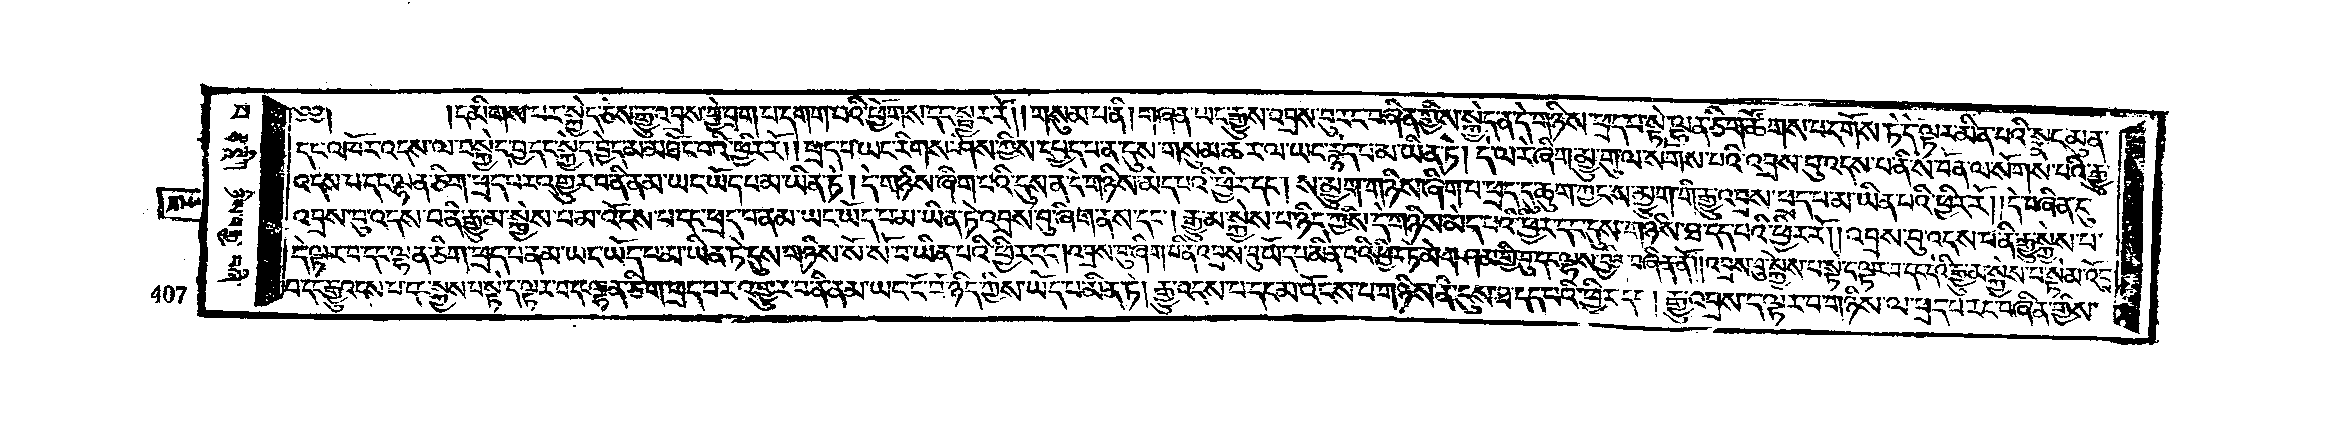༄༅། །དམིགས་པར་སྐྱེད་ཅེས་རྒྱུ་འབྲས་བྱེ་བྲག་པ་དགག་པའི་ཕྱོགས་དང་སྦྱར་རོ། །གསུམ་པ་ནི། གཞན་ཡང་རྒྱུས་འབྲས་བུ་རང་བཞིན་གྱིས་སྐྱེད་ན་དེ་གཉིས་ཕྲད་པ་སྟེ་ལྷན་ཅིག་ཚོགས་པ་དགོས་ཏེ་དེ་ལྟར་མིན་པའི་སྣང་མུན་
དང་འཁོར་འདས་ལ་བསྐྱེད་བྱ་དང་སྐྱེད་བྱེད་མ་མཐོང་བའི་ཕྱིར་རོ། །ཕྲད་པ་ཡང་རིགས་ཤེས་ཀྱིས་ཕྱད་པ་ན་དུས་གསུམ་ཆར་ལ་ཡང་སྲྙེད་པ་མ་ཡིན་ཏེ། དེ་ལ་རེ་ཞིག་མྱུ་གུ་ལ་སོགས་པའི་འབྲས་བུ་འདས་པ་ནི་ས་བོན་ལ་སོགས་པའི་རྒྱུ་
འདས་པ་དང་ལྷན་ཅིག་ཕྲད་པར་འགྱུར་བ་ནི་ནམ་ཡང་ཡོད་པ་མ་ཡིན་ཏེ། དེ་གཉིས་ཞེས་པའི་དུས་ན་དེ་གཉིས་མེད་པའི་ཕྱིར་དང་། ས་མྱུག་གཉིས་ཞིག་པ་ཕྲད་དུ་ཆུག་ཀྱང་ས་མྱུག་གི་རྒྱུ་འབྲས་ཕྲད་པ་མ་ཡིན་པའི་ཕྱིར་རོ། །དེ་བཞིན་དུ་
འབྲས་བུ་འདས་པ་ནི་རྒྱུ་མ་སྐྱེས་པ་མ་འོངས་པ་དང་ཕྲད་པ་ནམ་ཡང་ཡོད་པ་མ་ཡིན་ཏེ་འབྲས་བུ་ཞིག་ནས་དང་། རྒྱུ་མ་སྐྱེས་པ་ཉིད་ཀྱིས་དེ་གཉིས་མེད་པའི་ཕྱིར་དང་དུས་གཉིས་ཐ་དད་པའི་ཕྱིར་རོ། །འབྲས་བུ་འདས་པ་ནི་རྒྱུ་སྐྱེས་པ་
ད་ལྟར་བ་དང་ལྷན་ཅིག་ཕྲད་པ་ནམ་ཡང་ཡོད་པ་མ་ཡིན་ཏེ་དུས་གཉིས་སོ་སོ་བ་ཡིན་པའི་ཕྱིར་དང་། འབྲས་བུ་ཞིག་པ་ནི་འབྲས་བུ་ཡོད་པ་མིན་པའི་ཕྱིར་ཏེ་མོ་གཤམ་གྱི་བུ་དང་ལྷས་བྱིན་བཞིན་ནོ། །འབྲས་བུ་སྐྱེས་པ་སྟེད་ལྟར་བ་དང་དེའི་རྒྱུ་མ་སྐྱེས་པ་སྟེ་མ་འོངས་
པ་དང་རྒྱུ་འདས་པ་དང་སྐྱེས་པ་སྟེ་དེ་ལྟར་བ་དང་ལྷན་ཅིག་ཕྲད་པར་འགྱུར་བ་ནི་ནམ་ཡང་ངོ་བོ་ཉིད་ཀྱིས་ཡོད་པ་མིན་ཏེ། རྒྱུ་འབྲས་པ་དང་མ་འོང་པ་གཉི་ནི་དུས་ཐ་དད་པའི་ཕྱིར་དང་། རྒྱུ་འབྲས་དེ་ལྟ་བ་གཉིས་ལ་ཕྲད་པ་རང་བཞིན་གྱི་